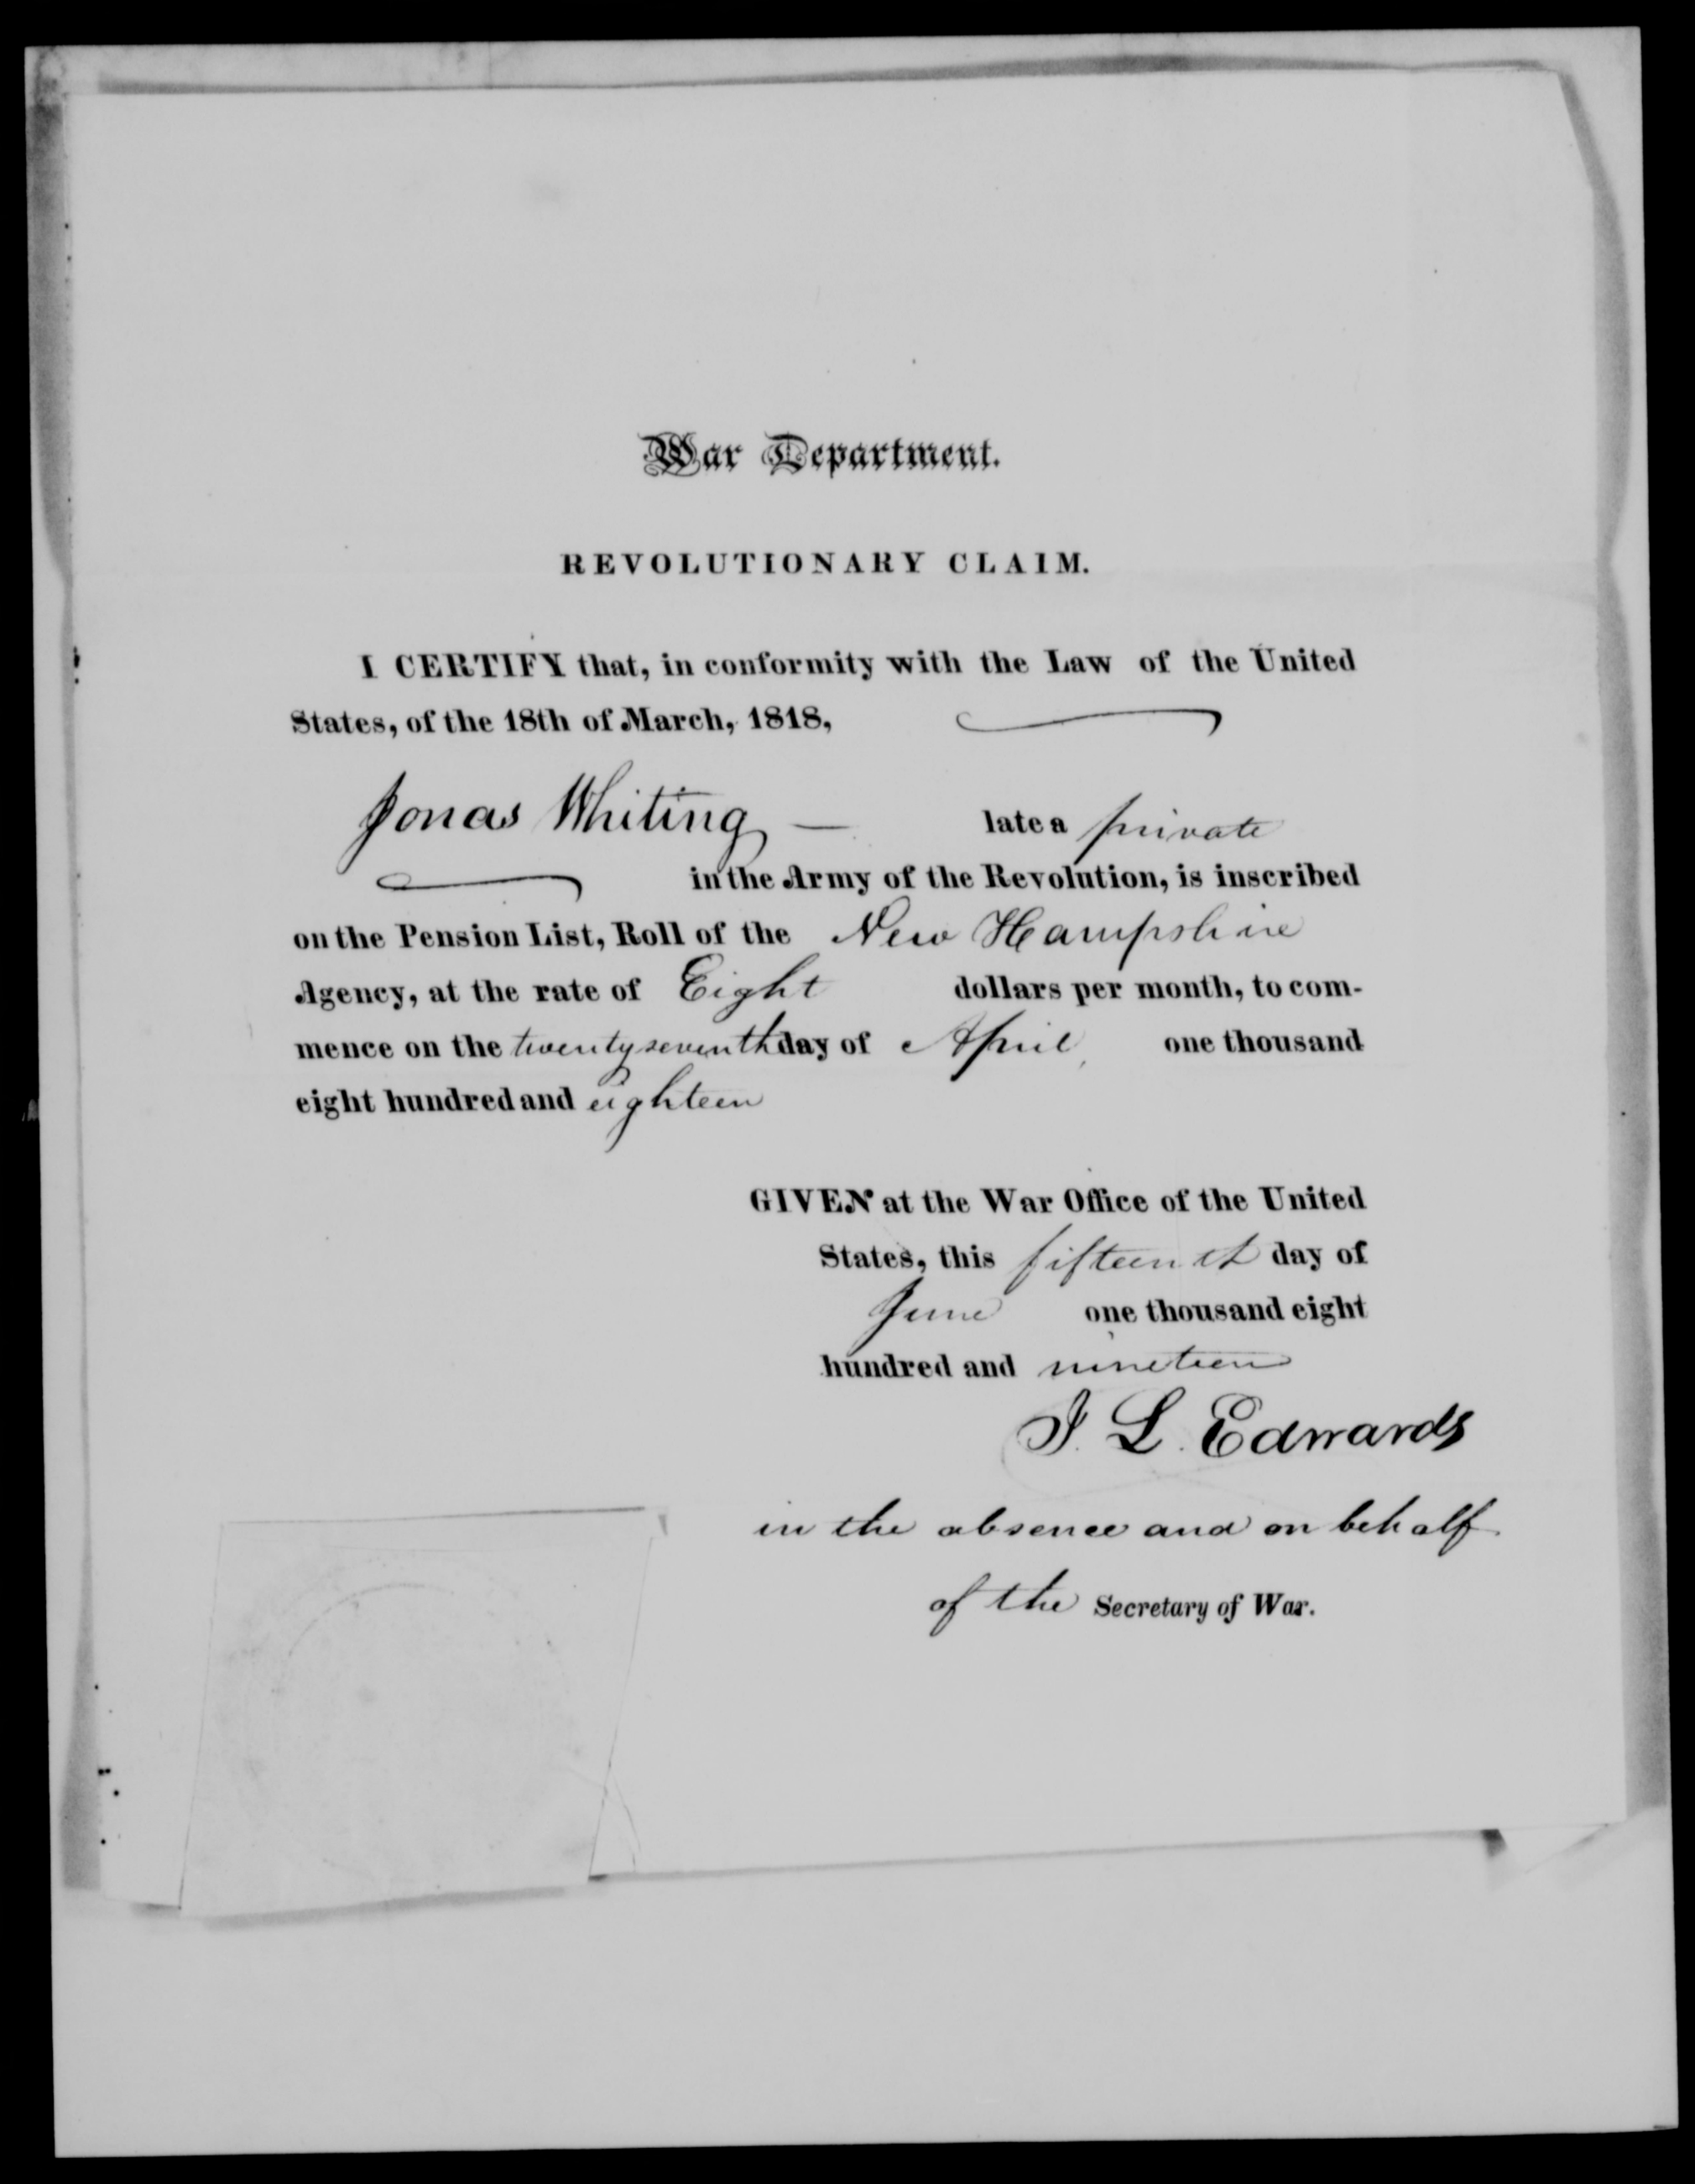War Department
REVOLUTIONARY CLAIM.
I CERTIFY that, in conformity with the Law of the United States,
of the 18th of March, 1818,
---
Jonas Whiting late
a private
in the Army of the Revolution, is inscribed
on the Pension List, Roll of the New Hampshire
Agency, at the rate of Eight
dollars per month, to commence
on the twenty seventh day of April, one thousand
eight hundred and eighteen
GIVEN at the War Office of the United States, this fifteenth day of June
one thousand eight
hundred and nineteen
J. L. Edwards
in the absence and on behalf
of the Secretary of War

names: J L Edwards, Jonas Whiting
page: 18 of 22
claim: survivor's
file: S. 43298, Jonas Whiting, Mass.